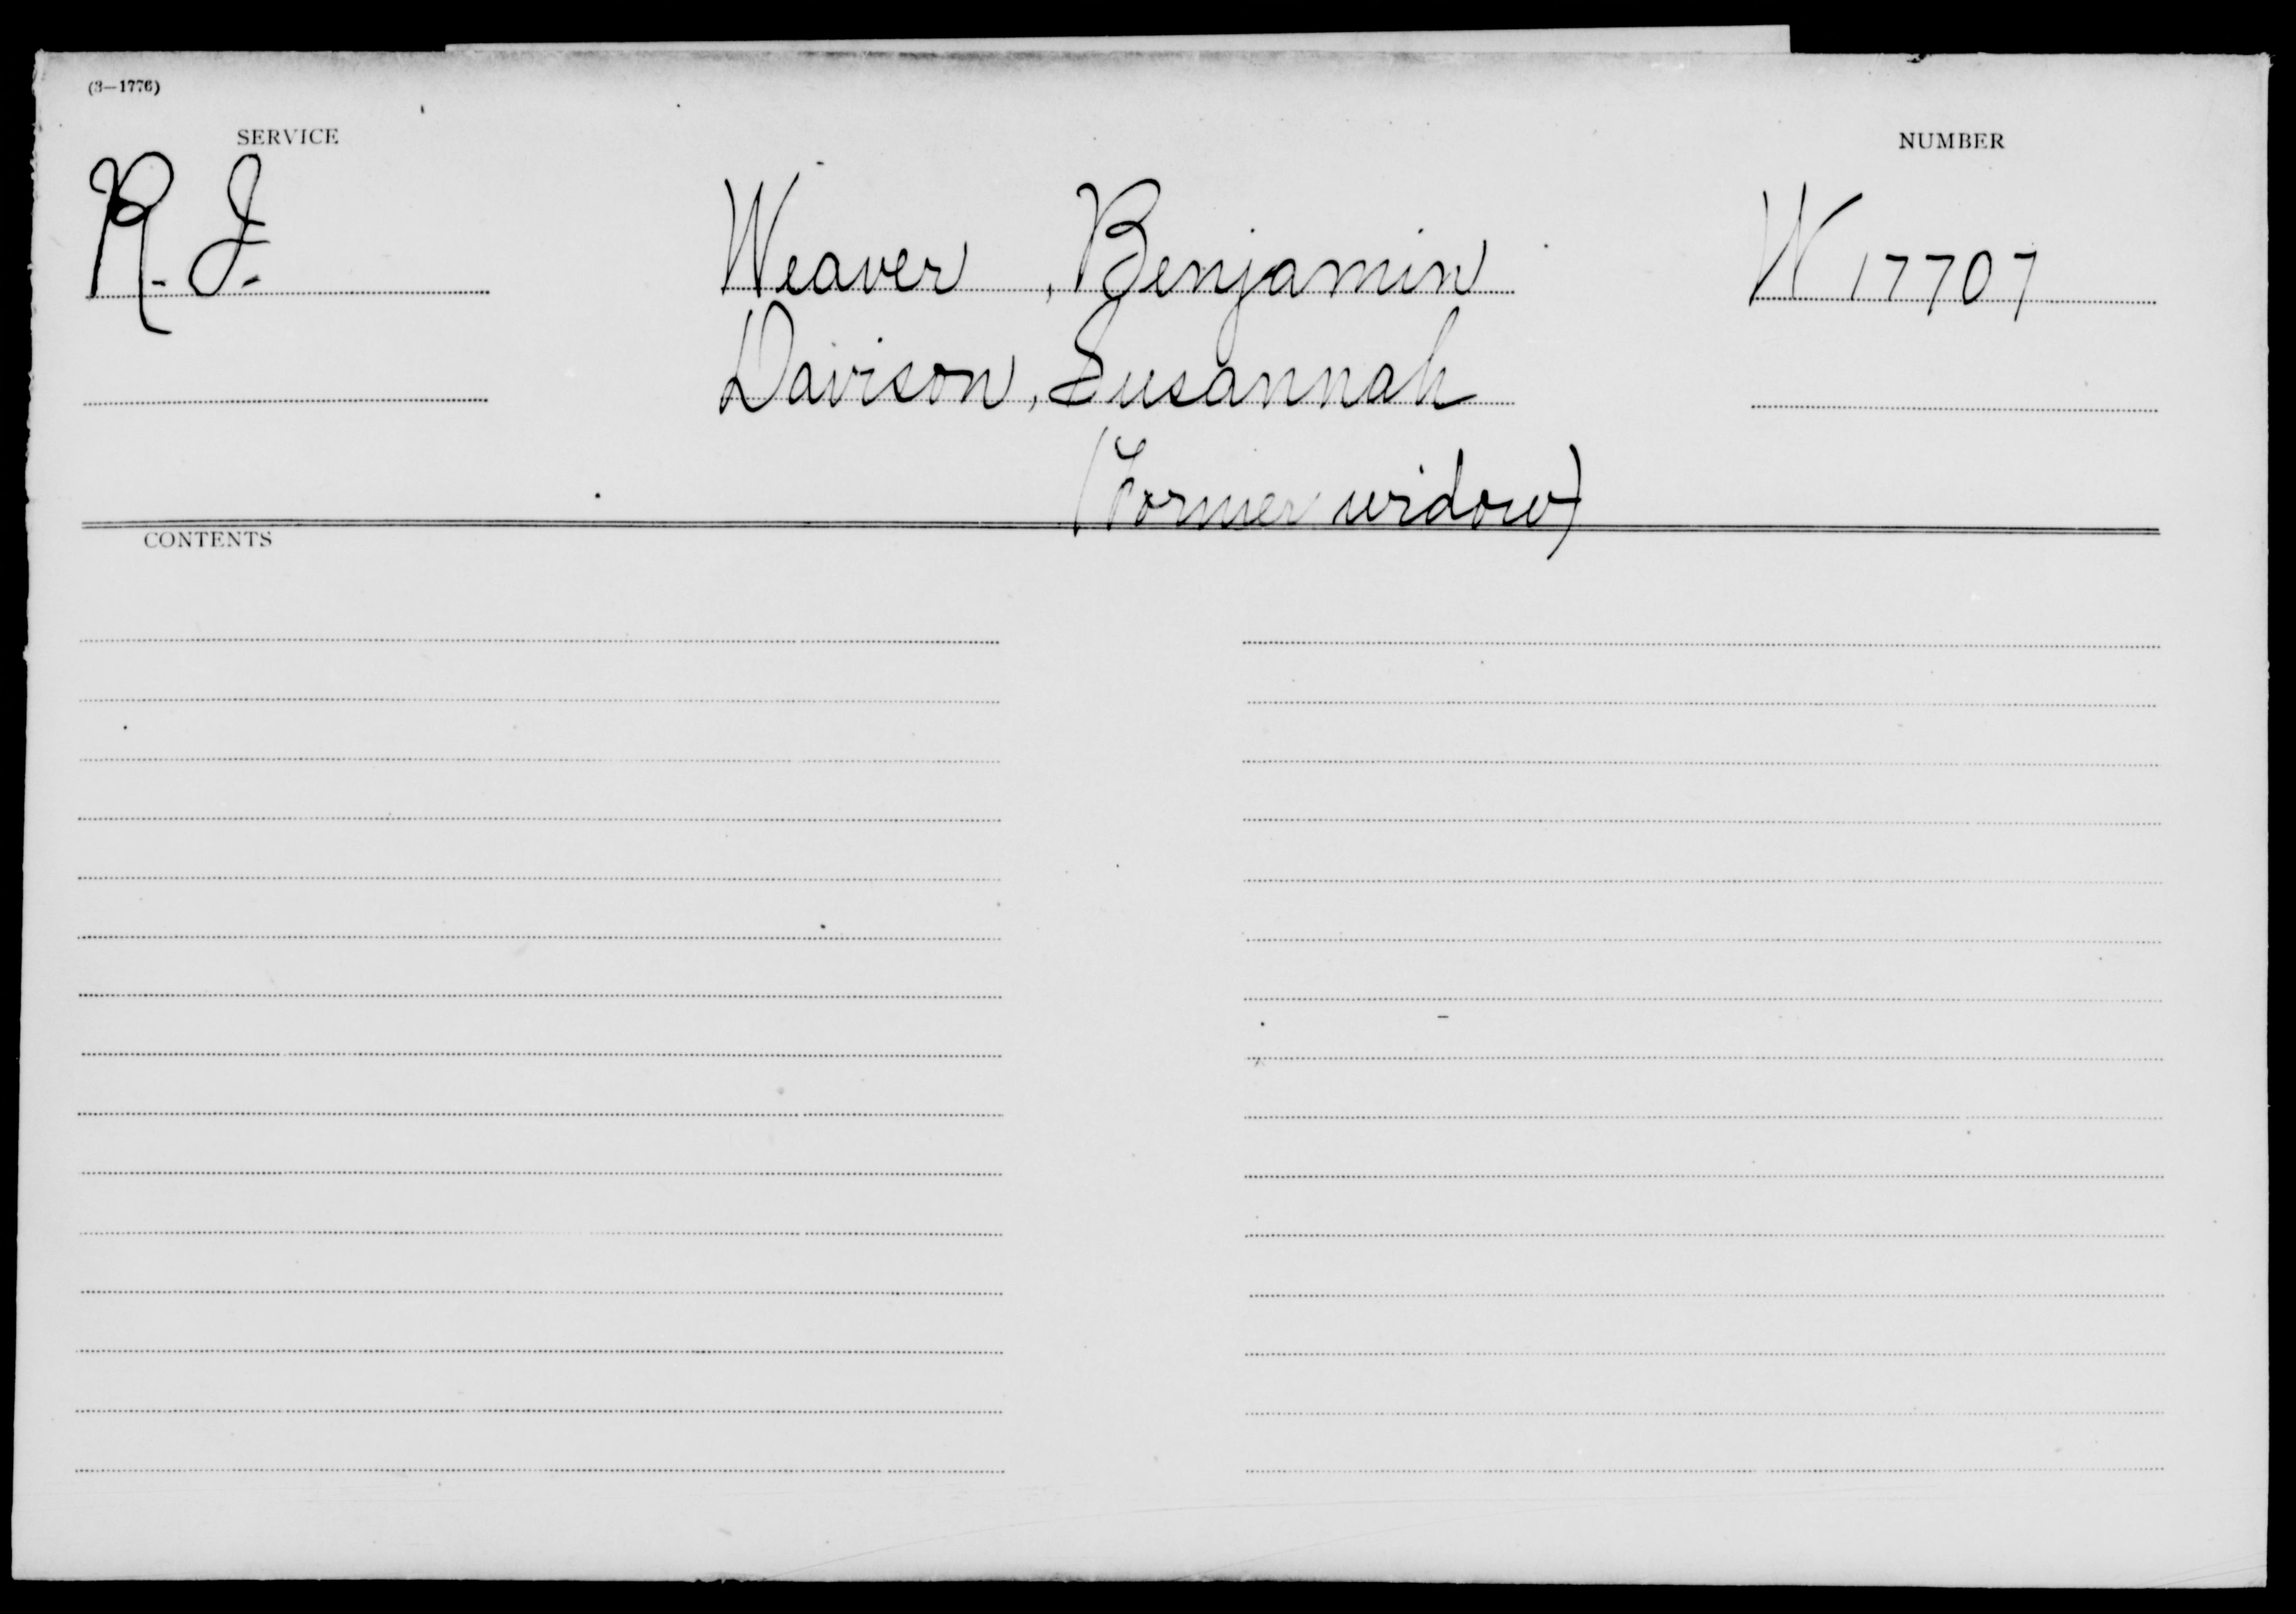Service
R. I.

Weaver, Benjamin.            Number
                                            W 17707
Davison, Susannah
(Former widow)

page: 1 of 53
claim: widow's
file: W 17707, Benjamin Weaver, R.I.